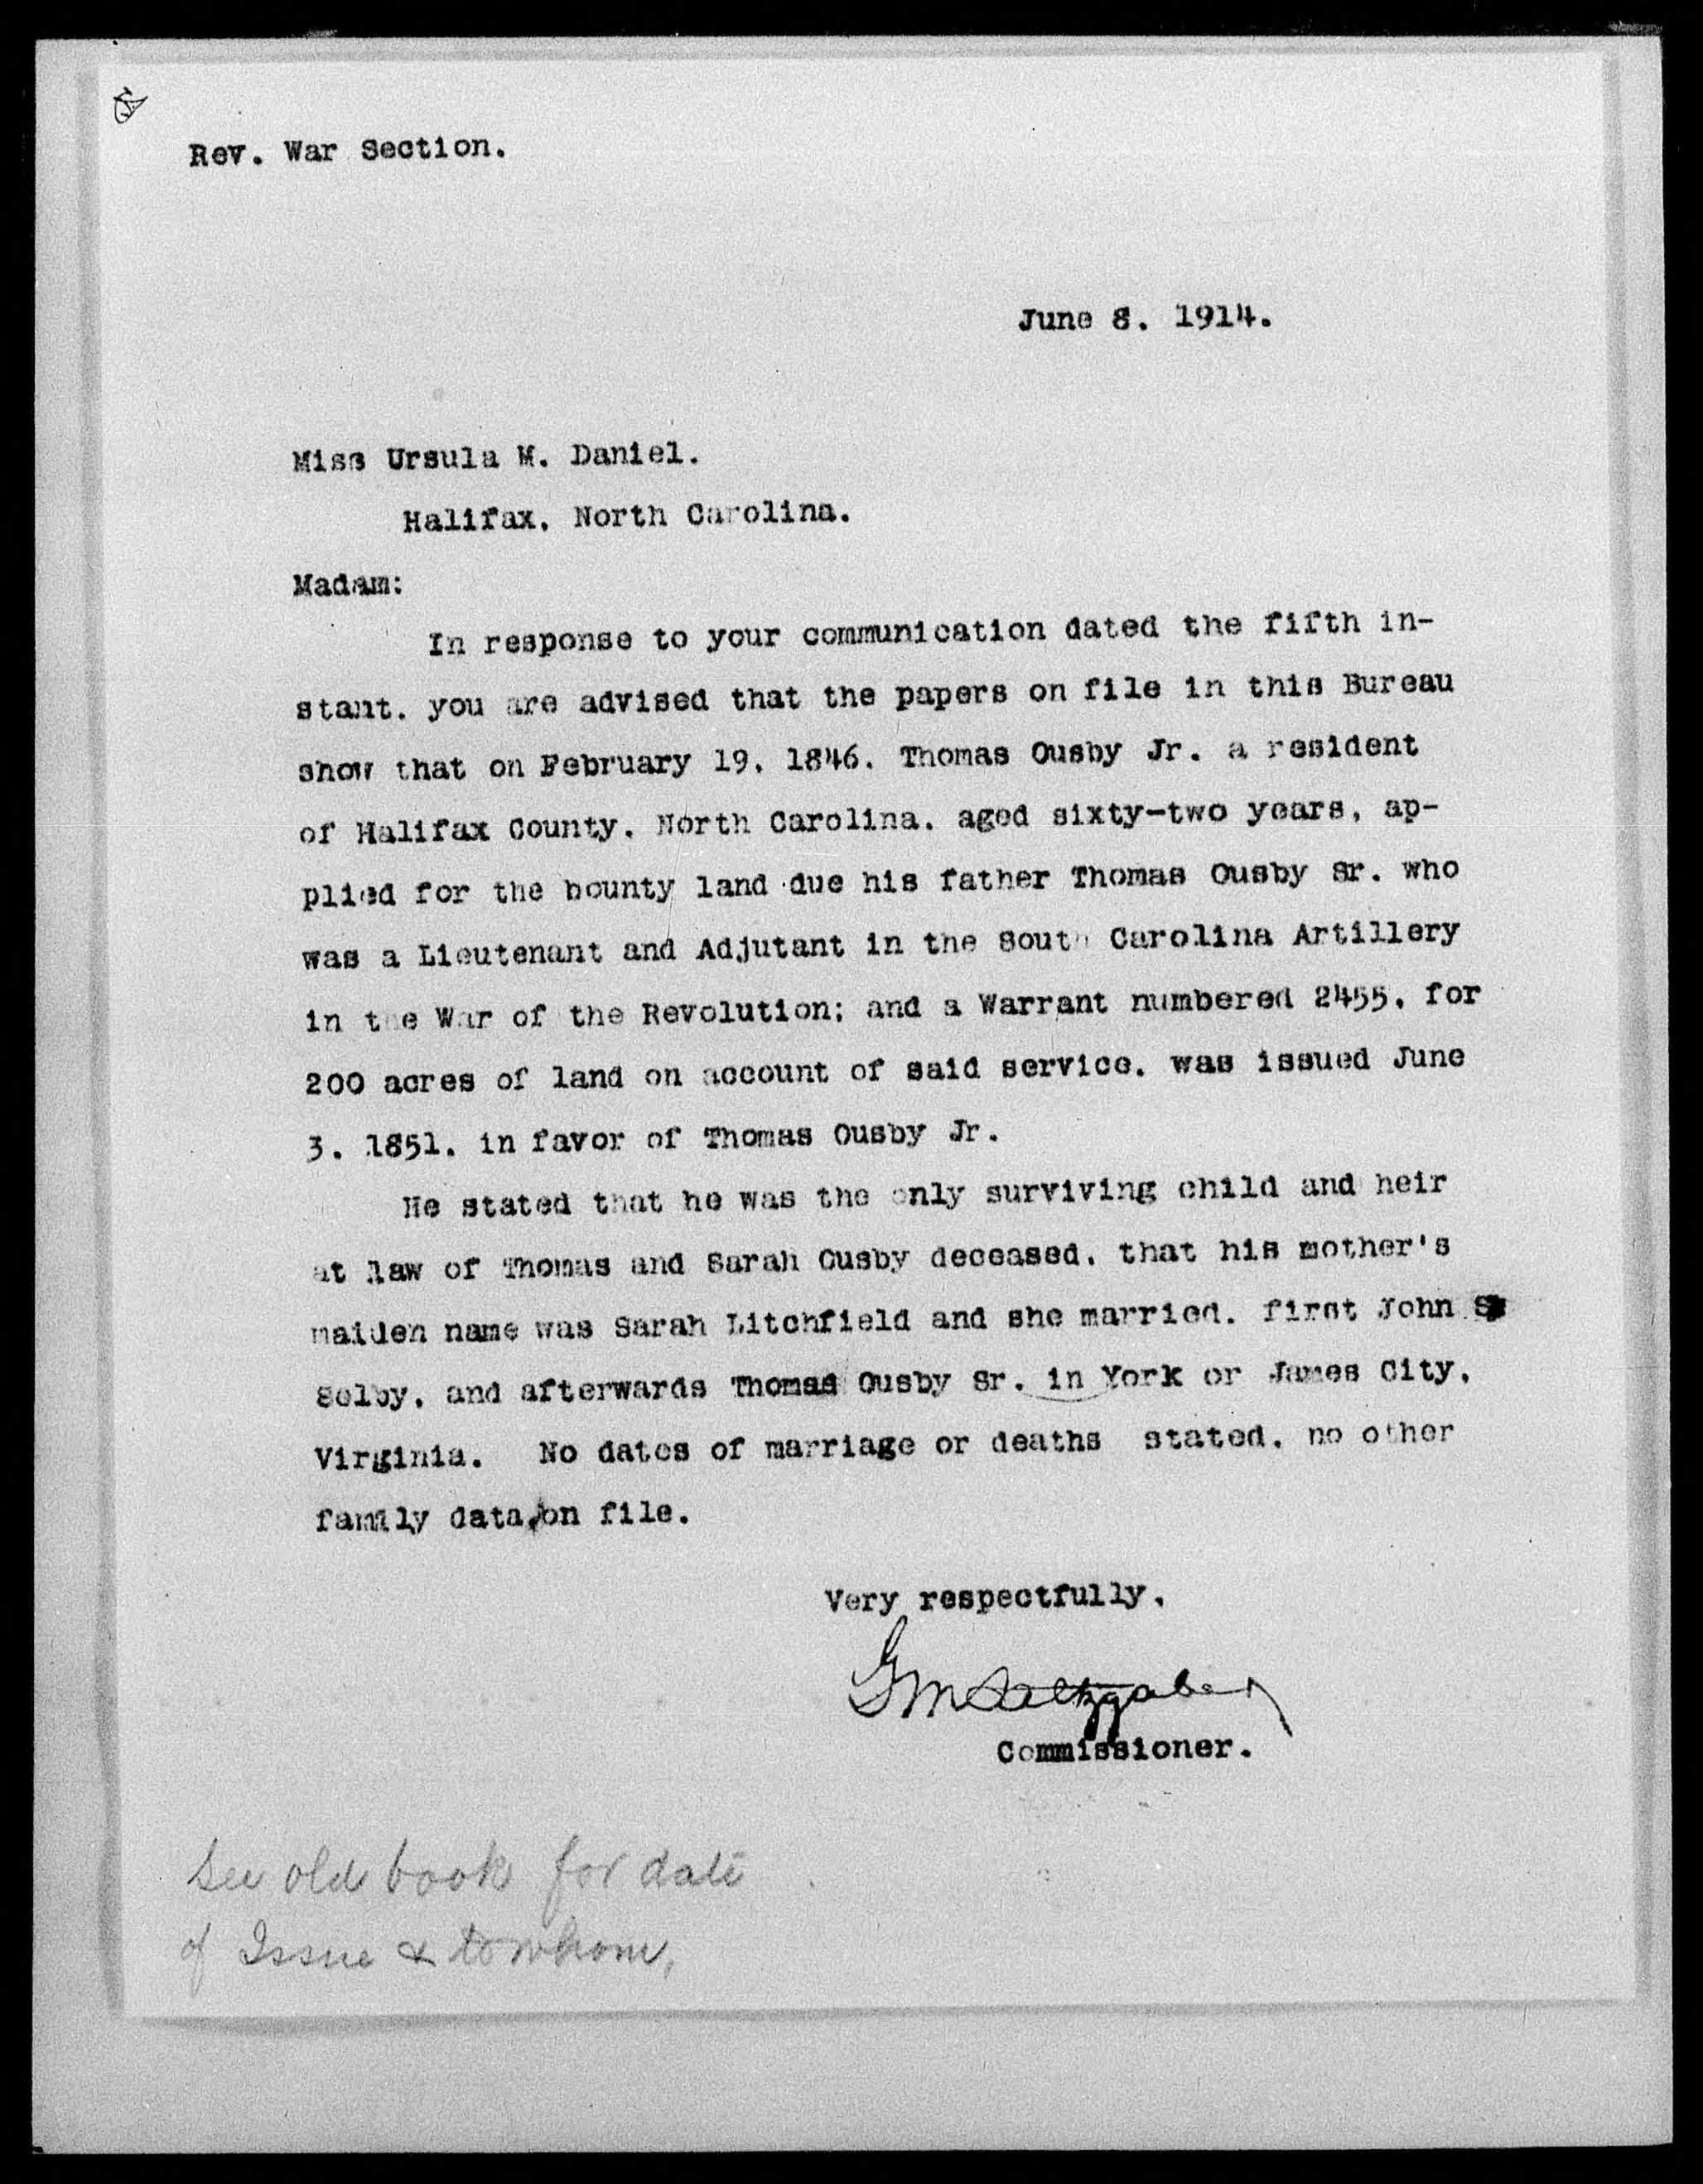Rev. War Section.

June 8. 1914.

Miss Ursula M. Daniel.
Halifax, North Carolina.

Madam:

In response to your communication dated the fifth instant. you are advised that the papers on file in this Bureau show that on February 19, 1846. Thomas Ousby Jr. a resident of Halifax County. North Carolina. aged sixty-two years, applied for the bounty land due his father Thomas Ousby Sr. who was a Lieutenant and Adjutant in the South Carolina Artillery in the War of the Revolution; and a Warrant numbered 2455, for 200 acres of land on account of said service, was issued June 3, 1851, in favor of Thomas Ousby Jr. 

He stated that he was the only surviving child and heir at law  of Thomas and Sarah Ousby deceased, that his mother's maiden name was Sarah Litchfield and she married, first John Selby, and afterwards Thomas Ousby Sr. in York or James City, Virginia. No dates of marriage or deaths states, no other family data on file. 

Very respectfully,
[illegible signature]
Commissioner.

See old book for date of Issue & to whom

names: Ursula M Daniel; Sarah Litchfield; Sarah Ousby; Thomas Ousby; John S Selby; G M Saltzgaber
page: 9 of 13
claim: bounty land warrant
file: B. L. Wt. 2455-200, for Thomas Ousby, South Carolina